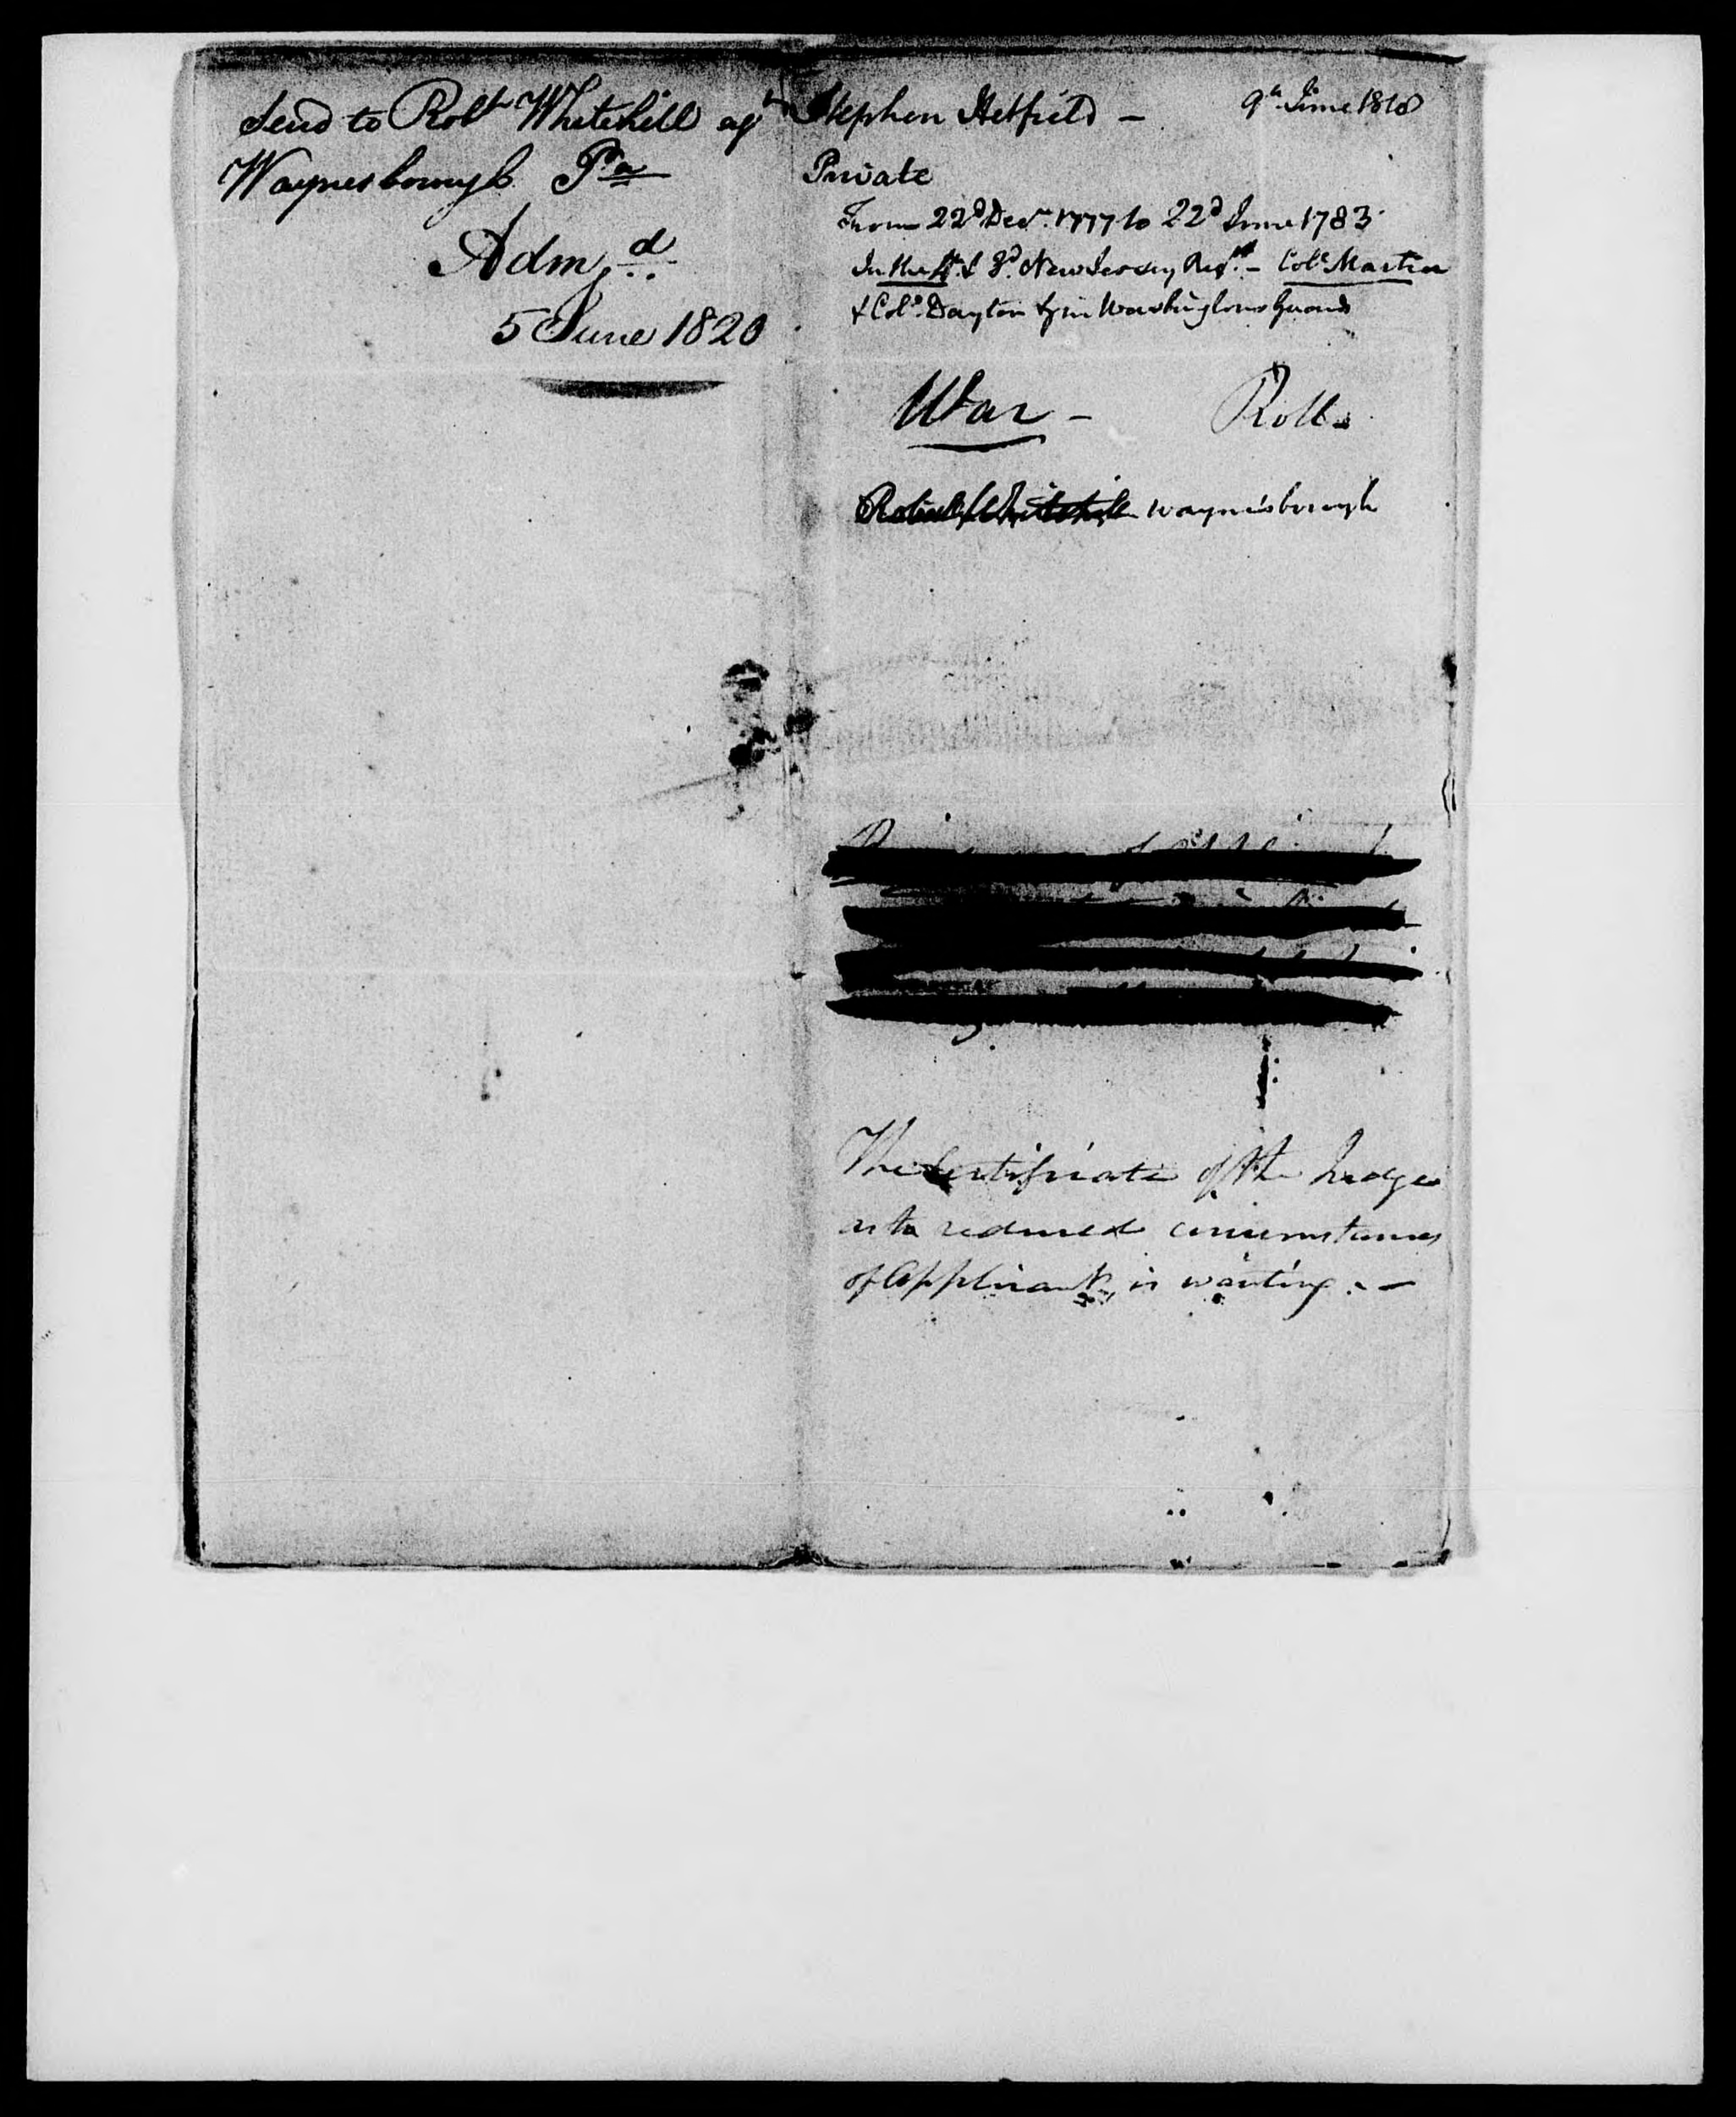[left side of folded paper]

Send to Robt Whitehill of
Waynesborough Pa

Admd
5 June 1820

[right side of folded paper]

Stephen Hetfield - 9th June 1820
Private
From 22d Decr. 1777 to 22d June 1783
In the 4 [illegible superscript] & 3d. New Jersey Reg. [illegible superscript] - Col[?] Martin
& Col [?] Dayton & in Washington's Guard

War - Rolls

Robert Whitehill  Wayne's borough

[The next 4 lines are struck out]

The Certificatin of the Ledger
as to reduced circumstances
of Applicant is waiting.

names: Dayton, Washington, Robt Whitehill, Robert Whitehill, Stephen Hetfield, Martin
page: 12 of 45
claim: widow's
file: W. 2734, Stephen Hetfield, New Jersey